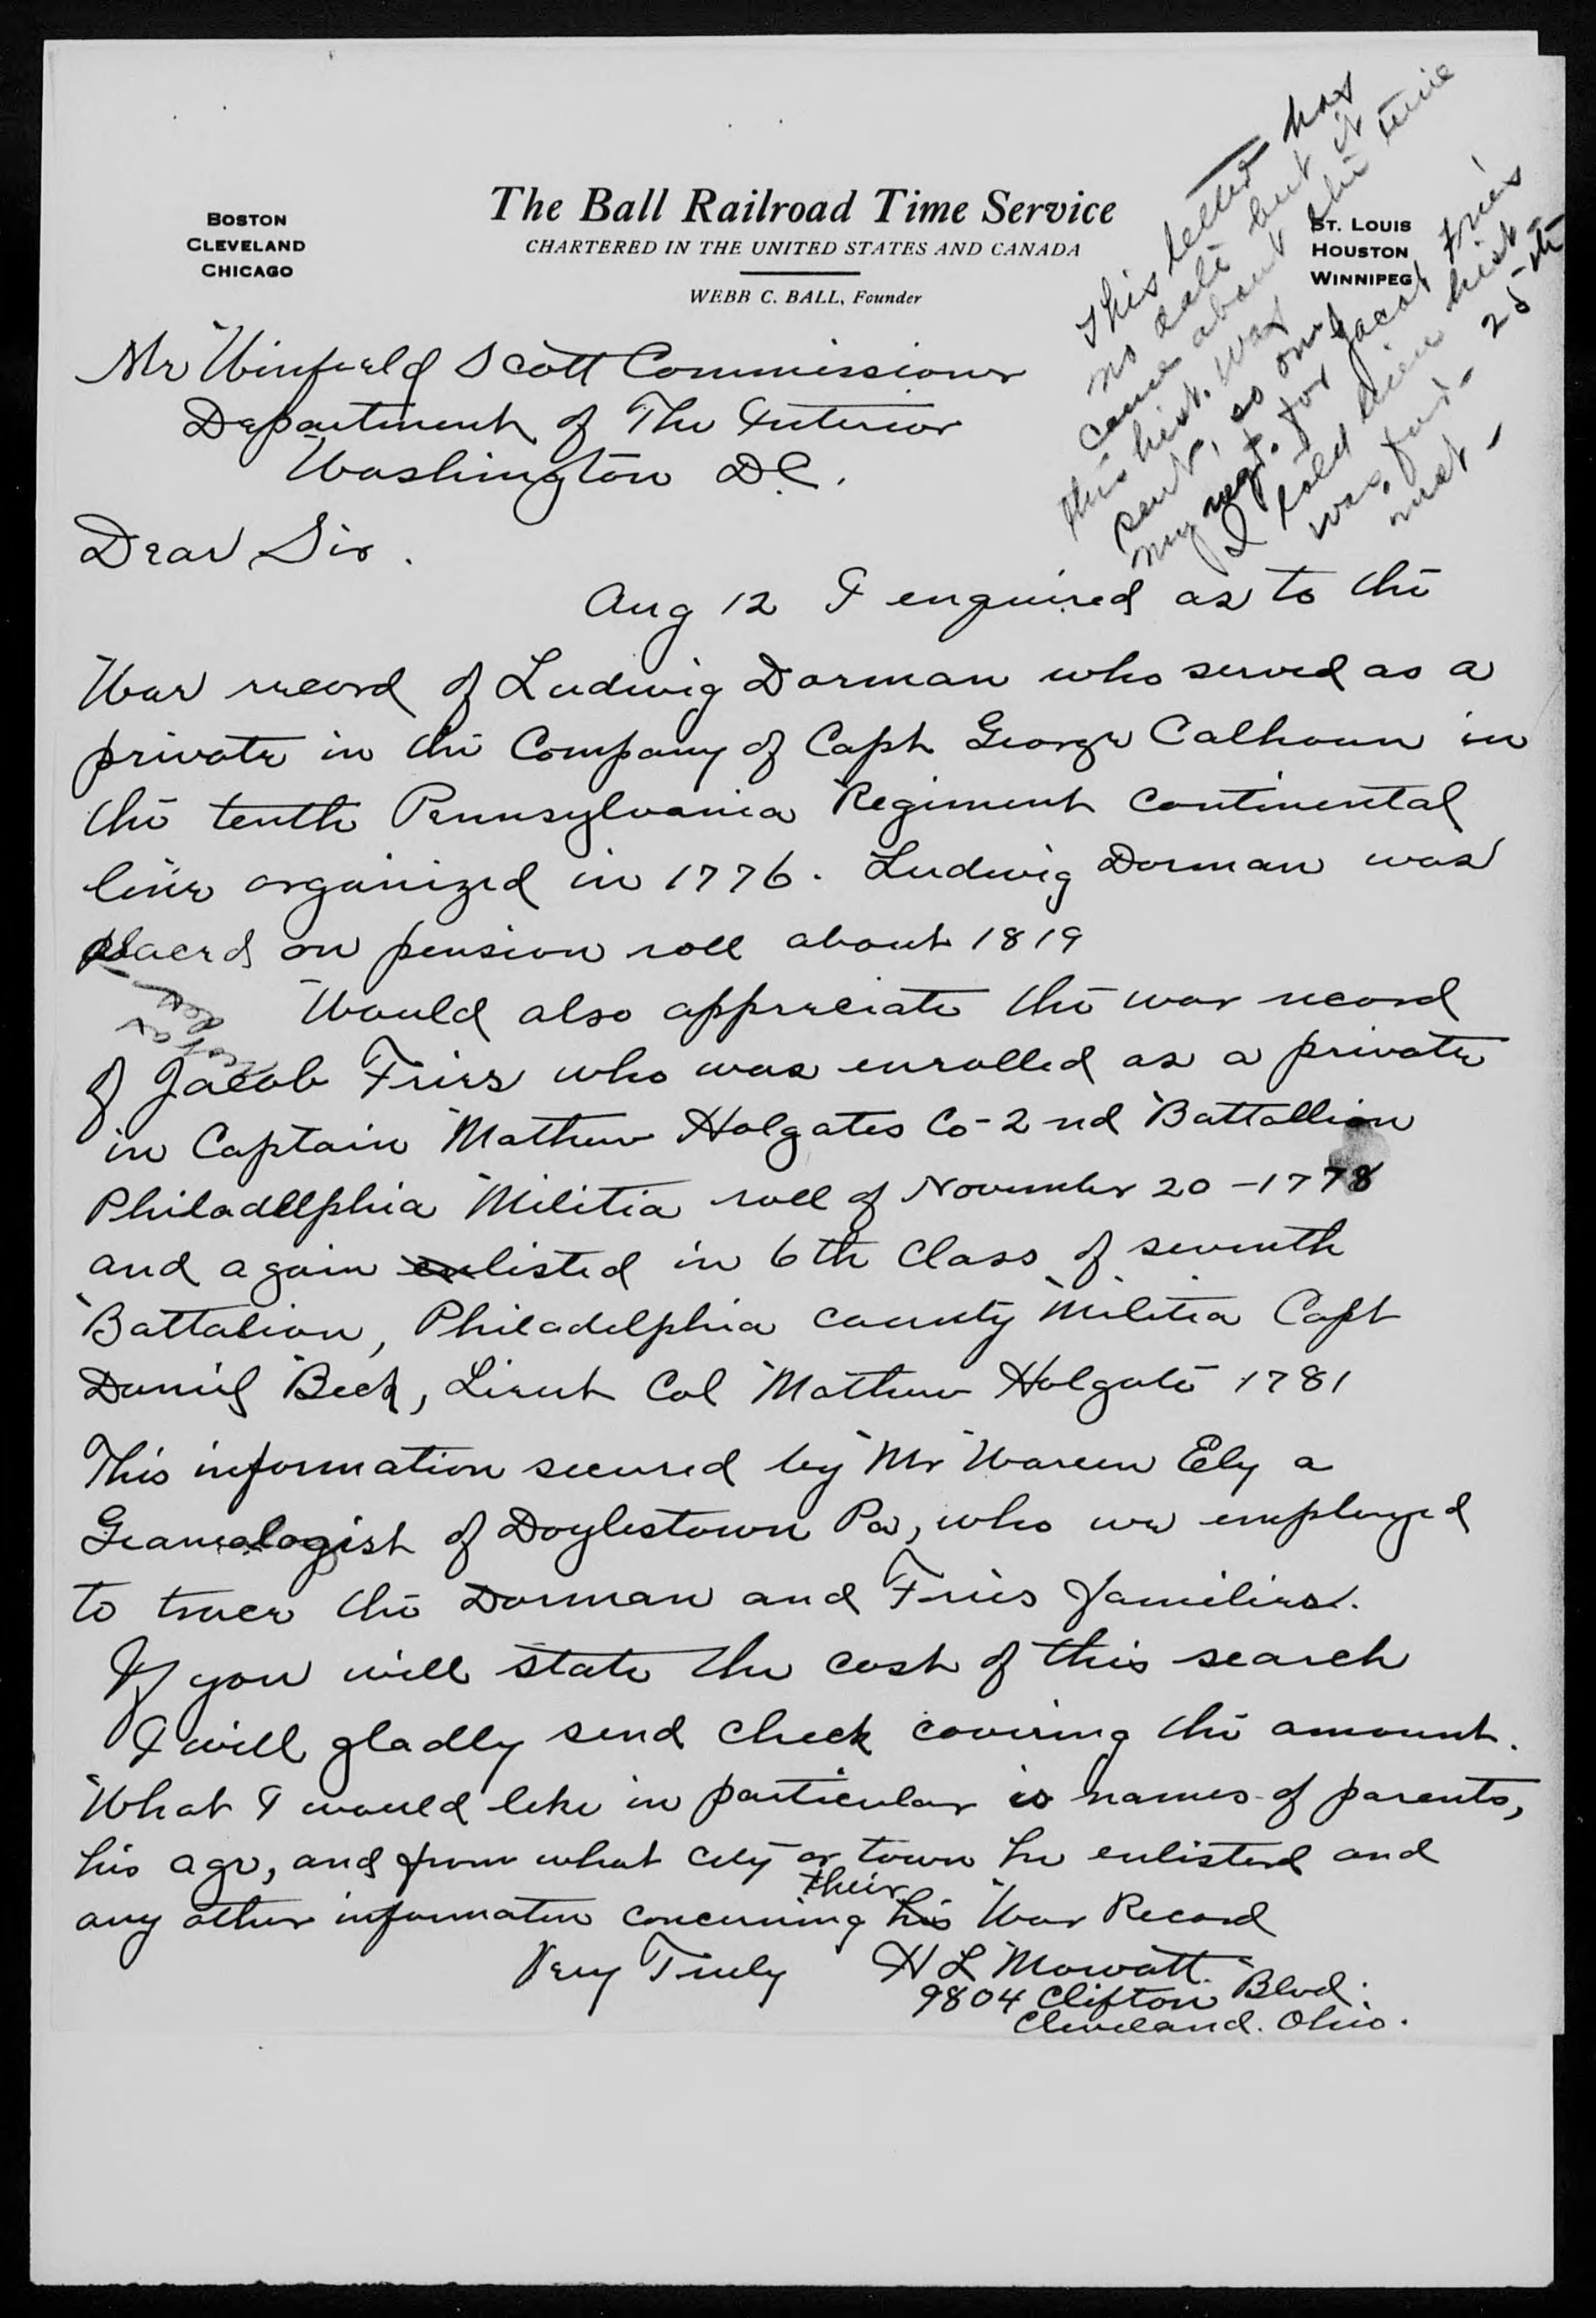BOSTON
CLEVELAND
CHICAGO
The Ball Railroad Time Service
CHARTERED IN THE UNITED STATES AND CANADA
WEBB C. BALL, Founder
Mr. Winfield Scott Commissioner
Department of The Interior
Washington, D.C.
Dear Sir.
Aug 12 I enquired as to the War record of Ludwig Dorman who served as a private in the Company of Capt. George Calhoun in the tenth Pennsylvania Regiment Continental [illegible] organized in 1776.  Ludwig Dorman was placed on pension roll about 1819.
Would also appreciate the war record of Jacob Fries who was enrolled as a private in Captain Mathew Colgates Co-2nd Battalion Philadelphia Militia roll of November 20-1778 and again listed in the 6th class of seventh Battalion, Philadelphia county Militia Capt Daniel Beck, Lieut Col Mathew Colgate- 1781  This information secured by Mr. Warrren Ely a Genealogist of Doylestown Pa, who was employed to trace this Dorman and Fries families. 
If you will state the cost of this search I will gladly send check covering the amount. What I would like in particular is names of parents, his age, and from what city or town he enlisted and any other information concerning their War Record.
Very Truly
H L. Mowatt
9804 Clifton Blvd
Cleveland, Ohio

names: Mathew Holgate, Winfield Scott, Ludwig Dorman, Jacob Fries, Ludwig Dorman, Jacob Fries, George Calhoun, Fries, H L Mowatt, Dorman, Wareen Ely, Daniel Beel, Webb C Ball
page: 12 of 16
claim: survivor's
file: S. 42,175, Ludwig Dorman, Penn.